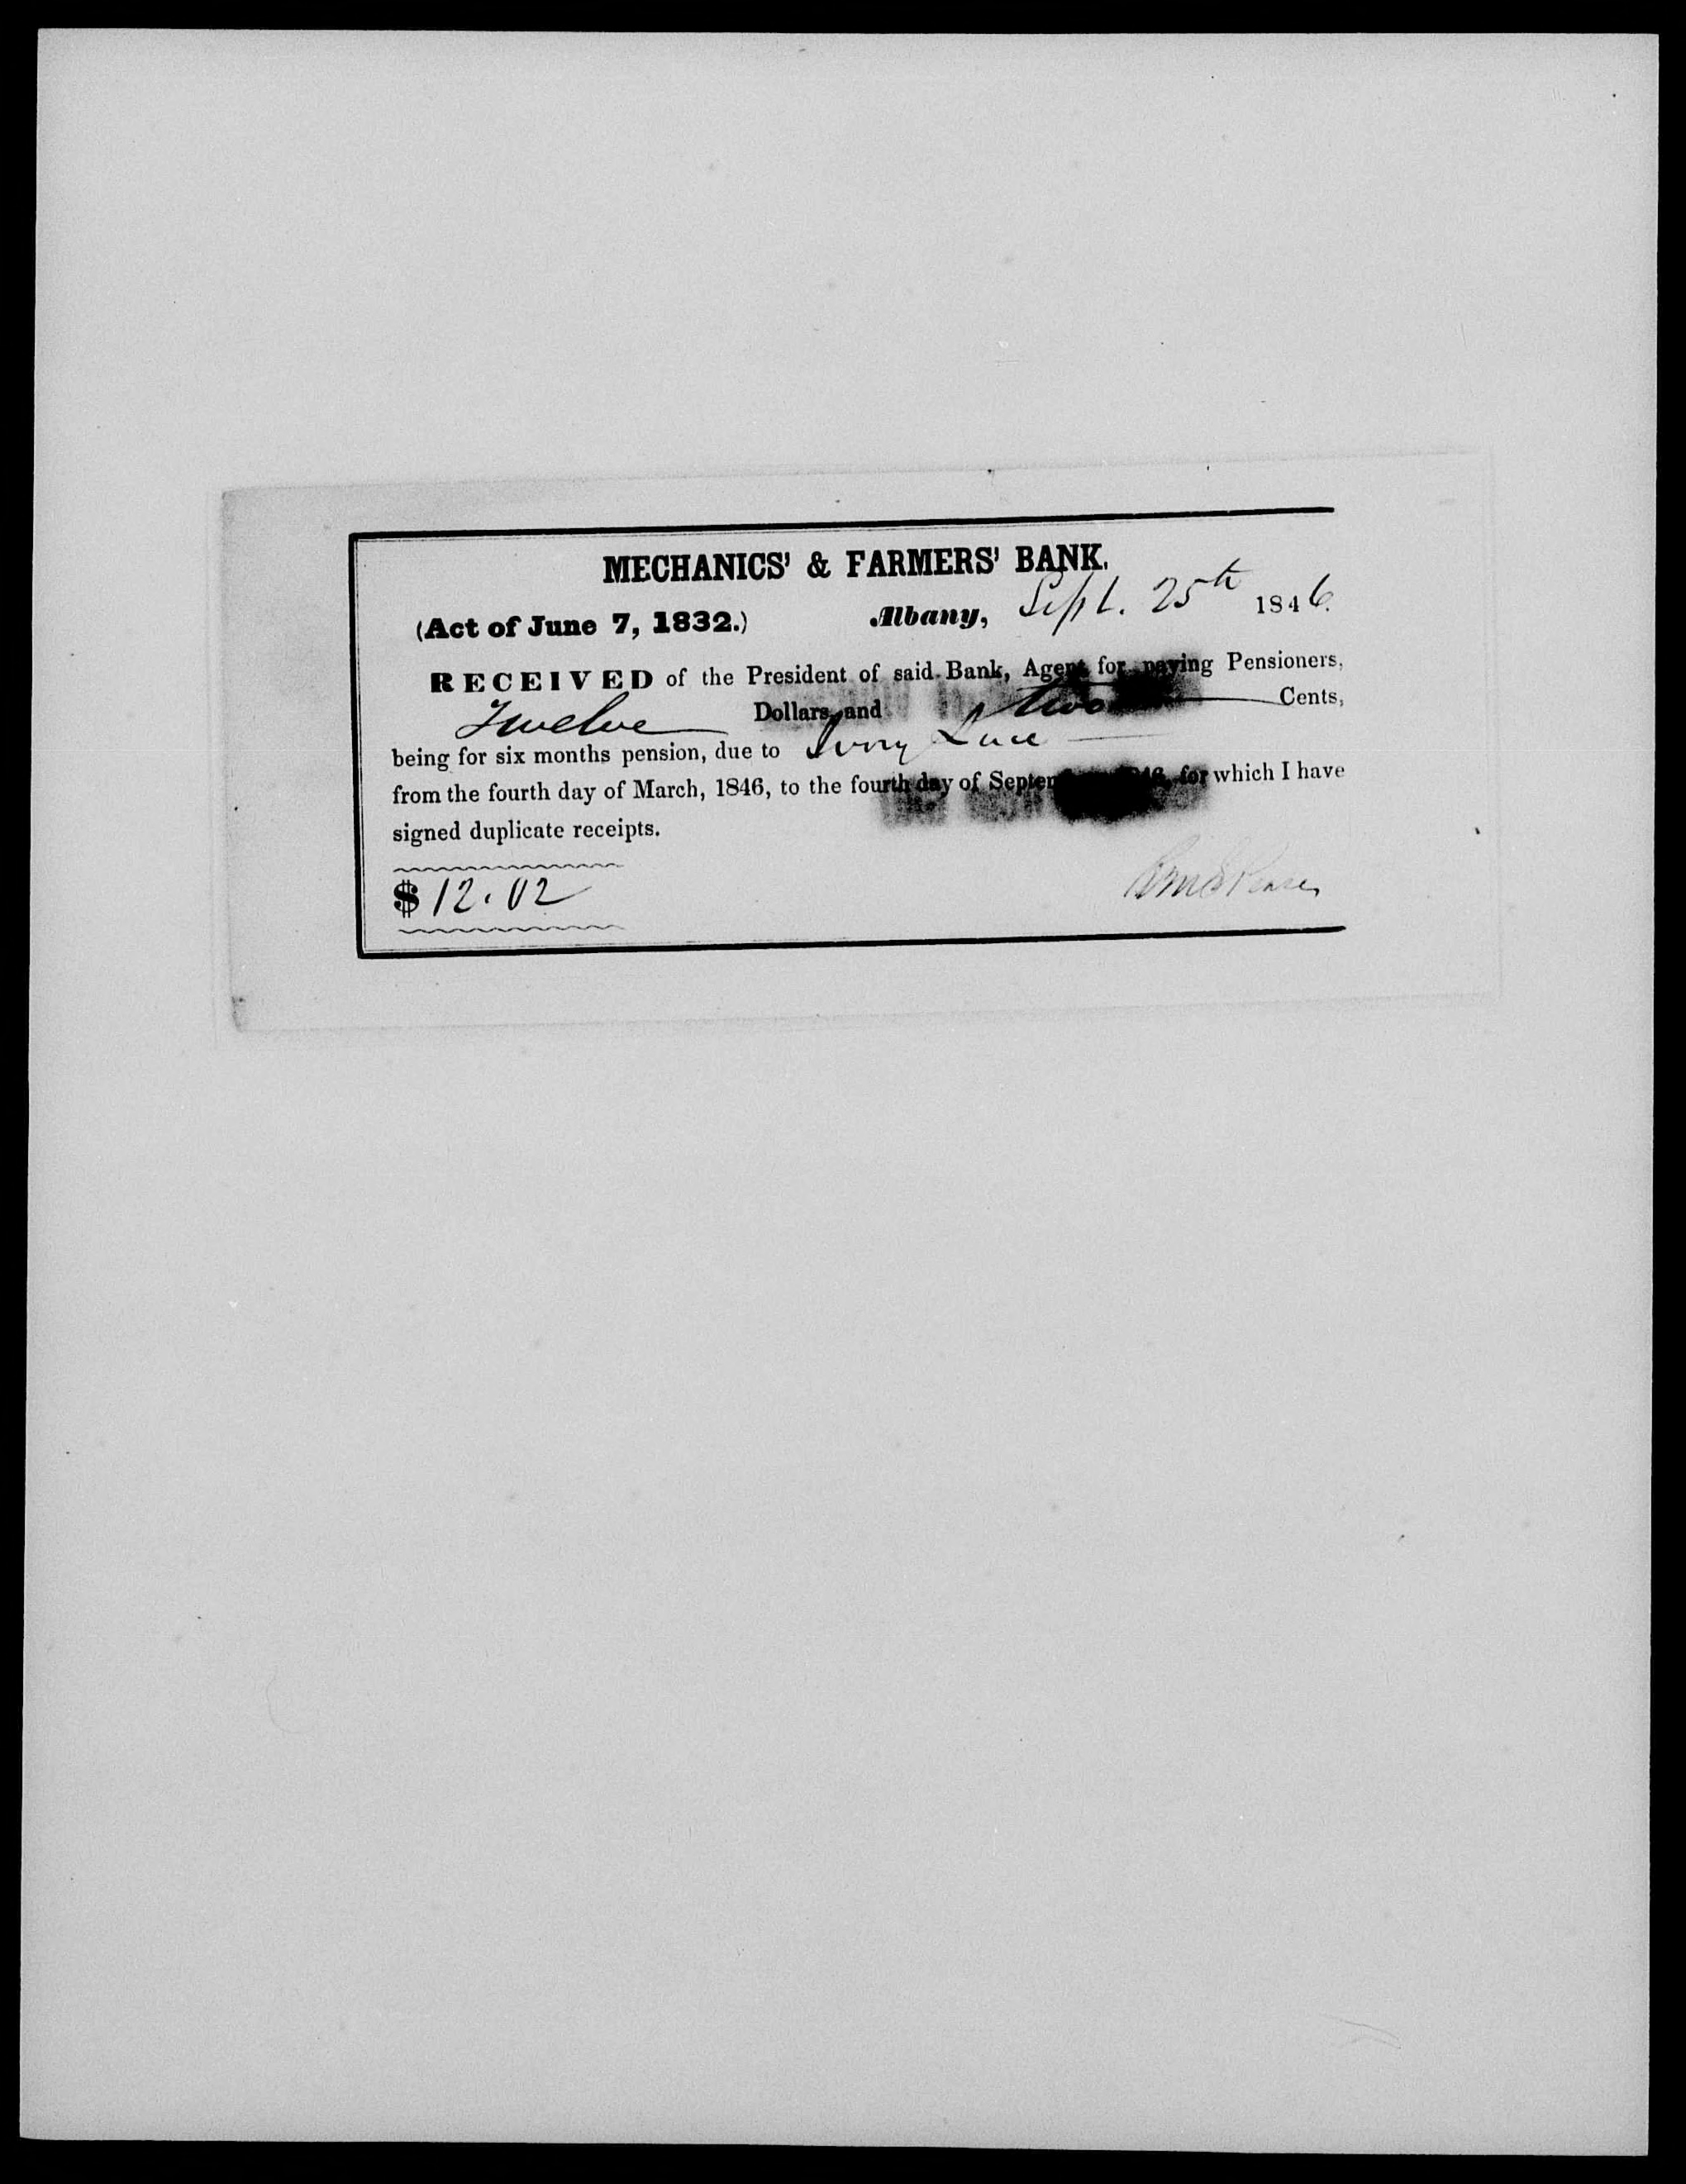MECHANICS' & FARMERS' BANK.

(Act of June 7, 1832.)  Albany, Sept. 25th 1846.

RECEIVED of the President of said Bank, Agent for paying Pensioners, Twelve Dollars and two Cents, being for six months pension, due to Ivory Luce from the fourth day of March, 1846, to the fourth day of September 1846 for which I have signed duplicate receipts.

$12.02    RMS Pease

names: R M S Pease; Ivory Luce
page: 46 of 70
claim: rejected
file: R. 6510, for Israel Luce, New York